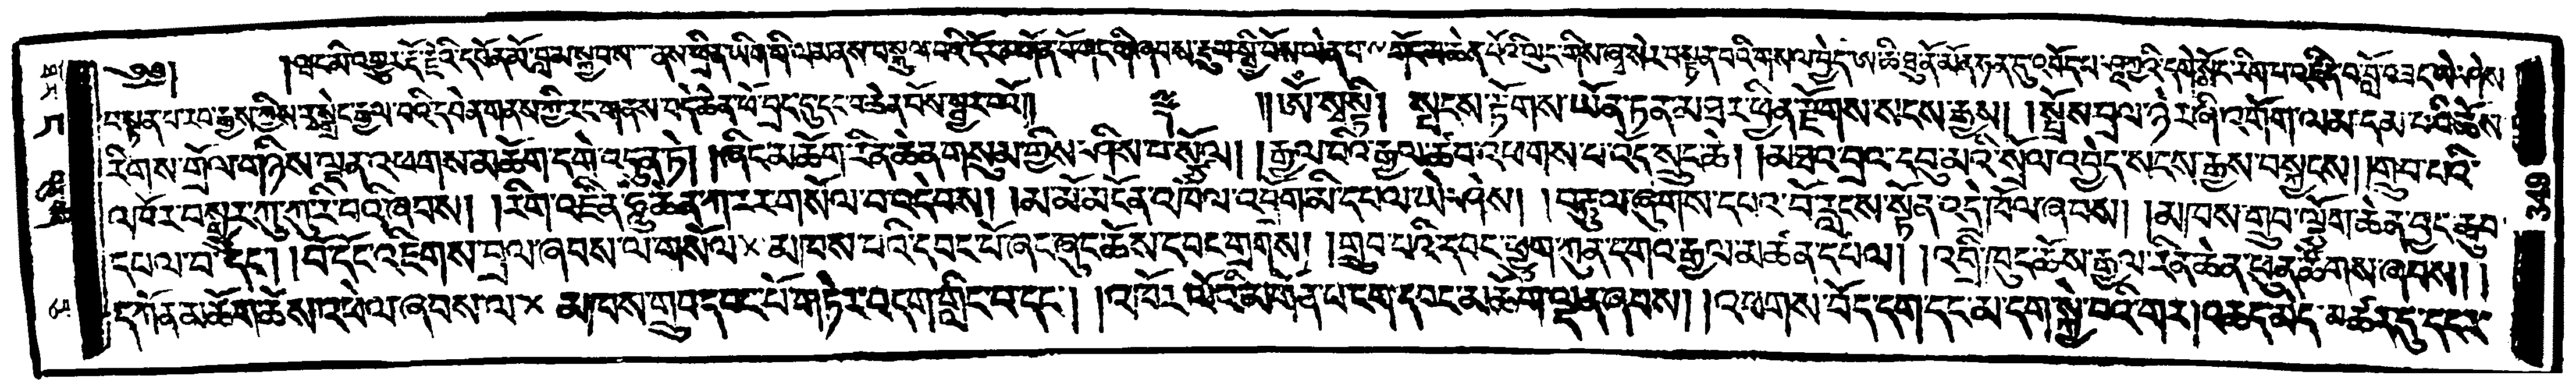༄༅། །ཝང་མི་འགྱུར་རྡོ་རྗེའི་དཔོན་མོ་བླ་མ་སྐྱབས་ནས་ཕྲིན་ཡིག་གི་ལམ་ནས་བསྐུལ་བའི་ངོར་མགོན་པོ་གང་གི་ཞབས་རྡུལ་སྤྱི་བོས་ལེན་པ ༧གོང་མ་ཆེན་པོའི་ལུང་གིས་ཞྭ་སེར་བསྟན་པའི་གསལ་བྱེད་ཨ་ཆི་ཐུ་ནོ་མོན་ཧན་དུ་འབོད་པ་ཤཱཀྱའི་དགེ་སློང་རིག་པ་འཛིན་པ་བློ་བཟང་ཡེ་ཤེས་
བསྟན་པ་རབ་རྒྱས་ཀྱིས་རྭ་སྒྲེང་རྒྱལ་བའི་དབེན་གནས་ཀྱི་རང་གནས་བདེ་ཆེན་ཕོ་བྲང་དུ་དང་བ་ཆེན་པོས་སྦྱར་བའོ།། ༈ །།ཨོཾ་སྭསྟི། སྤངས་རྟོགས་ཡོན་ཏན་མཐར་ཕྱིན་རྫོགས་སངས་རྒྱས། །སྤྲོས་བྲལ་ཉེར་ཞི་འགོག་ལམ་དམ་པའི་ཆོས་
རིགས་གྲོལ་གཉིས་ལྡན་འཕགས་མཆོག་དགེ་འདུན་ཏེ། །ཞིང་མཆོག་རིན་ཆེན་གསུམ་གྱིས་ཤིས་པ་སྩོལ། །རྒྱལ་བའི་རྒྱལ་ཚབ་འཕགས་པ་འོད་སྲུང་ཆེ། །མཐའ་བྲལ་དབུ་མའི་སྲོལ་འབྱེད་སངས་རྒྱས་བསྐྱངས། །གྲུབ་པའི་
འཁོར་བསྒྱུར་ཀུ་ཀུ་རི་བའི་ཞབས། །རིག་འཛིན་ཧཱུཾ་ཆེན་ཀ་རར་གསོལ་བ་འདེབས། །མ་མོ་མངོན་འཁོལ་འབྲོག་མི་དཔལ་ཡེ་ཤེས། །བརྟུལ་ཞུགས་དཔའ་བོ་རླངས་སྟོན་འདྲེ་ཁོལ་ཞབས། །མཁས་གྲུབ་ལྕོག་ཆེན་བྱང་ཆུབ་
དཔལ་བ་དང་། །བོ་དོང་འཇིགས་བྲལ་ཞབས་ལ་གསོལ་{྾}་མཁས་པའི་དབང་པོ་ཞང་ཞུང་ཆོས་དབང་གྲགས། །གྲུབ་པའི་དབང་ཕྱུག་ཀུན་དགའ་རྒྱལ་མཚན་དཔལ། །འབྲི་ཁུང་ཆོས་རྒྱལ་རིན་ཆེན་ཕུན་ཚོགས་ཞབས། །
དཀོན་མཆོག་ཆོས་འཕེལ་ཞབས་ལ་{྾}་མཁས་གྲུབ་དབང་པོ་གཏེར་བདག་གླིང་བ་དང་། །འཁོར་ལོའི་མགོན་པ་ངག་དབང་མཆོག་ལྡན་ཞབས། །འཕགས་བོད་དག་དང་མ་དག་སྐྱེ་བའི་གར། །འཆད་མེད་མཚར་དུ་དངར་